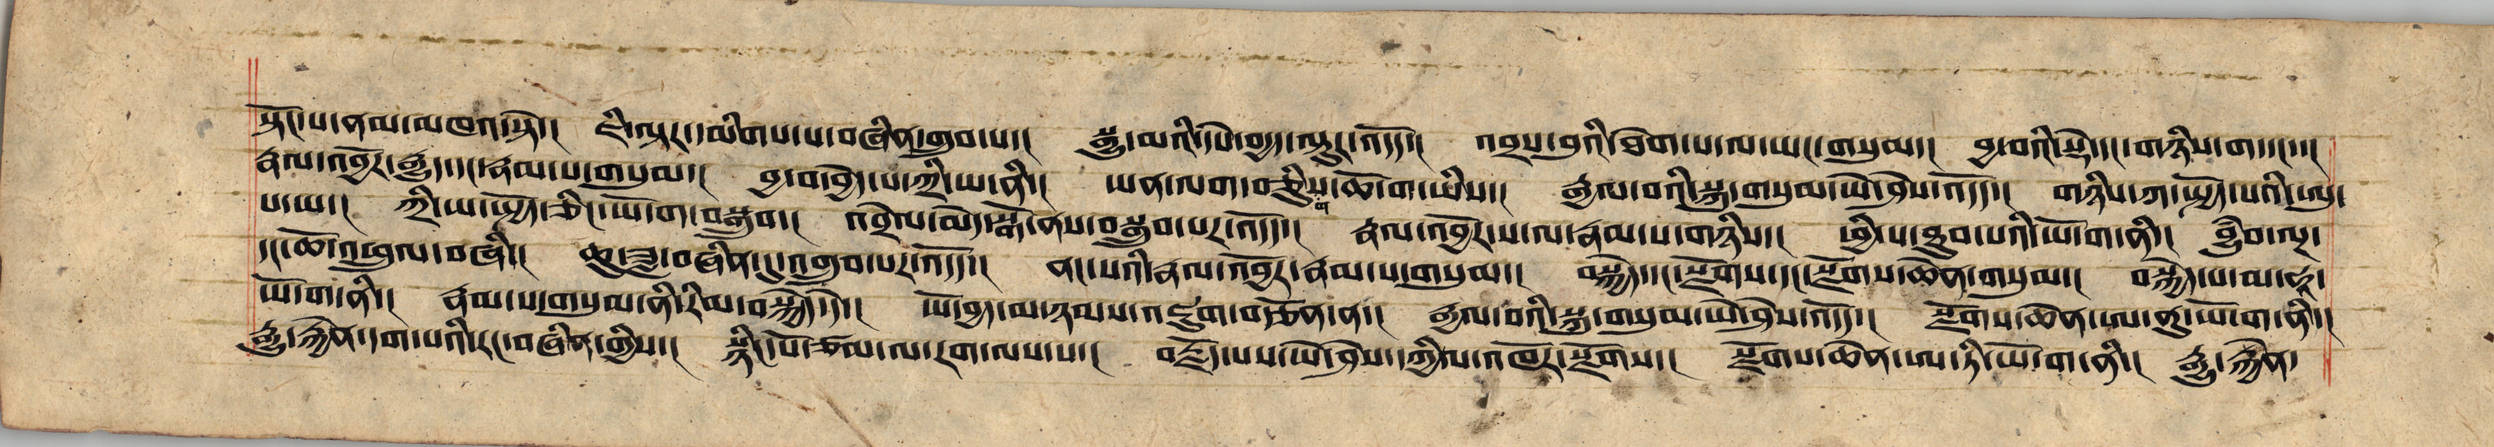སྟོང་པ་ནམ་མཁའ་སྟེ་། ཇི་ལྟར་དམིགས་པ་བཞིན་གྲུབ་པ་། སྒྱུ་མའི་དཔེ་བདྱད་ལྟུར་འདོད་། འབྲས་བུའི་ཐེག་པ་ལ་ཡང་གསུམ་། བྱ་བའི་སྡེ་དང་གཉིས་ག་དང་་།
རྣལ་འབྱོར་རྒྱུད་དང་རྣམ་པ་གསུམ་། བྱ་བ་བྱེད་པ་ཀྲི་ཡ་ནི་། ཡན་ལག་གཅིུས་ཆོ་ག་ཡིས་། རྒྱལ་བའི་སྐུ་གསུམ་ཡེ་ཤེས་འདོད་། གཉིས་ཀ་སྤྱོད་པའི་ཨུ་
པ་ལ་། ཀྲི་ཡ་སྤྱོད་ཅིང་ཡོ་ག་བསྒྲུབ་། འབྲེལ་མེད་སྒོ་ནས་བསྒྲུབ་པར་འདོད་། རྣལ་འབྱོར་པ་ལ་རྣམ་ས་གཉིས་། ཕྱི་ས་ཐུབ་པའི་ཡོ་ག་ནི་། བྱུཾབ་ལྔ་
དང་ཆོ་འཕྲུལ་བཞི་། ཆུ་ཟླ་བཞིན་དུ་འགྲུབ་པར་འདོད་། ནང་པའི་རྣལ་འབྱོར་རྣམ་པ་གསུམ་། བསྐྱེད་དང་སྫོགས་དང་སྫོགས་ཆེན་གསུམ་། བསྐྱེད་པ་མ་ཧཱ་
ཡོ་ག་ནི་། རྣམ་པ་གསུམ་ནི་རིམ་བསྐྱེད་དེ་། ཡོ་བྱད་མ་ཉམས་འཇུག་བརྩོན་ན་། རྒྱལ་བའི་སྐུ་གསུམ་ཡེ་ཤེས་འདོད་། སྫོགས་ཆེན་ཨ་ནུ་ཡོ་ག་ནི་།
རྒྱུ་རྐྱེན་དག་པའི་རང་བཞིན་གྱིས་། སྙིང་པོ་ཙམ་ལ་རག་ལས་པ་། བརྗོད་པས་ཡེ་ཤེས་དཀྱིལ་འཁོར་སྫོགས་། སྫོགས་ཆེན་ཨ་ཏི་ཡོ་ག་ནི་། རྒྱུ་རྐྱེན་